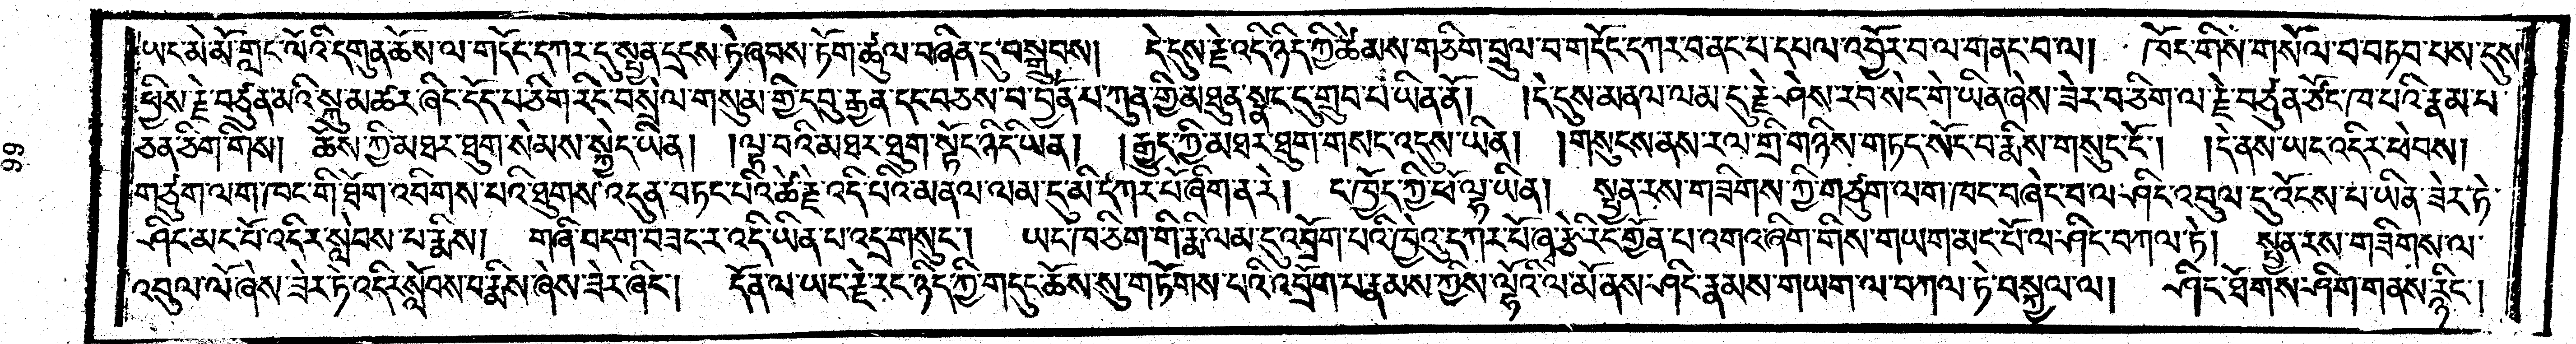ཡང་མེ་མོ་གླང་ལོའི་དགུན་ཆོས་ལ་གདོང་དཀར་དུ་སྤྱན་དྲངས་ཏེ་ཞབས་ཏོག་ཚུལ་བཞིན་དུ་བསྒྲུབས། དེ་དུས་རྗེ་འདི་ཉིད་ཀྱི་ཚེམས་གཅིག་བྲུལ་བ་གདོང་དཀར་བ་ནང་པ་དཔལ་འབྱོར་བ་ལ་གནང་བ་ལ། ཁོང་གིས་གསོལ་བ་བཏབ་པས་དུས་
ཕྱིས་རྗེ་བཙུན་མའི་སྐུ་མཚར་ཞིང་དོད་པ་ཅིག་རིང་བསྲེལ་གསུམ་གྱི་དབུ་རྒྱན་དང་བཅས་པ་བྱོན་པ་ཀུན་གྱི་མཐུན་སྣང་དུ་གྲུབ་པ་ཡིན་ནོ། །དེ་དུས་མནལ་ལམ་དུ་རྗེ་ཤེས་རབ་སེང་གེ་ཡིན་ཞེས་ཟེར་བ་ཅིག་ལ་རྗེ་བཙུན་ཙོང་ཁ་པའི་རྣམ་པ་
ཅན་ཅིག་གིས། ཆོས་ཀྱི་མཐར་ཐུག་སེམས་སྐྱེད་ཡིན། །ལྟ་བའི་མཐར་ཐུག་སྟོང་ཉིད་ཡིན། །རྒྱུད་ཀྱི་མཐར་ཐུག་གསང་འདུས་ཡིན། །གསུངས་ནས་རལ་གྲི་གཉིས་གཏད་སོང་བ་རྨིས་གསུང་ངོ། །དེ་ནས་ཡང་འདིར་ཕེབས།
གཙུག་ལག་ཁང་གི་ཐོག་འབིགས་པའི་ཐུགས་འདུན་བཏང་པའི་ཚེ་རྗེ་འདི་པའི་མནལ་ལམ་དུ་མི་དཀར་པོ་ཞིག་ན་རེ། ང་ཁྱོད་ཀྱི་ཕོ་ལྷ་ཡིན། སྤྱན་རས་གཟིགས་ཀྱི་གཙུག་ལག་ཁང་བཞེང་བ་ལ་ཤིང་འབུལ་དུ་འོངས་པ་ཡིན་ཟེར་ཏེ་
ཤིང་མང་པོ་འདིར་སླེབས་པ་རྨིས། གཞི་བདག་བཟང་ར་འདི་ཡིན་པ་འདྲ་གསུང་། ཡང་ཁ་ཅིག་གི་རྨི་ལམ་དུ་འབྲོག་པའི་ཁྱེའུ་དཀར་པོ་ཞྭ་རྩེ་རིང་གཡོན་པ་འགའ་ཞིག་གིས་གཡག་མང་པོ་ལ་ཤིང་བཀལ་ཏེ། སྤྱན་རས་གཟིགས་ལ་
འབུལ་ལོ་ཞེས་ཟེར་ཏེ་འདིར་སློབས་པ་རྨིས་ཞེས་ཟེར་ཞིང་། དོན་ལ་ཡང་རྗེ་རང་ཉིད་ཀྱི་གདུང་ཆོས་སུ་གཏོགས་པའི་འབྲོག་པ་རྣམས་ཀྱིས་ལྷོའི་ལ་མོ་ནས་ཤིང་རྣམས་གཡག་ལ་བཀལ་ཏེ་བསྐྱལ་ལ། ཤིང་ཐོགས་ཤིག་གནས་རྙིང་།